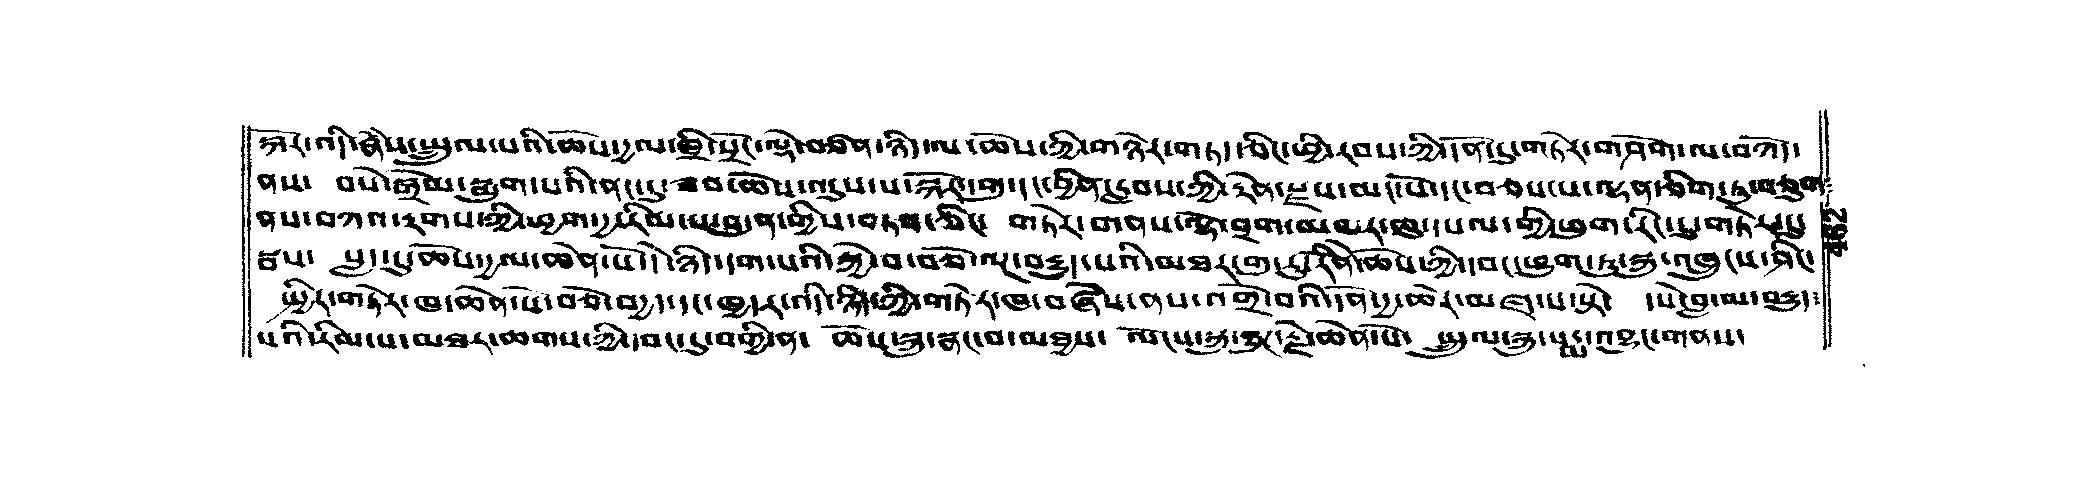སྐོར་འདི་རྣམས་སྤྲུལ་པའི་ཆོས་རྒྱལ་ཁྲི་སྲོང་ལྡེ་བཙན་ཉིད་ལ་ཆོས་ཀྱི་གཉེར་གཏད་ཅིང་ཕྱི་རབས་ཀྱི་དོན་དུ་གཏེར་གཤོག་ལ་བཀོད་
ནས། བསེ་སྒྲོམ་སྨུག་པའི་ནང་དུ་ཟབ་ཆོས་འདུས་པ་སྐོར་དགུ་དང་བྱིན་རླབས་ཀྱི་རྟེན་རྫས་མང་པོ་དང་བཅས་པ་ལྷན་ཅིག་ཏུ་བཅུག་
ནས་བཀའ་རྟགས་ཀྱི་ཕྱག་རྒྱ་རིམ་པ་བདུན་གྱིས་བཏབ་ཅིང་། གཏེར་གནས་ལྷོ་བྲག་མཁར་ཆུ་དཔལ་གྱི་ཕུག་རིང་དུ་གཏེར་དུ་
སྦས། སླད་དུ་ཆོས་རྒྱལ་ཆེན་པོ་དེ་ཉིད་དག་པའི་སྐྱེ་བ་བཅོ་ལྔ་བརྒྱུད་པའི་མཐར་གུ་རུ་རིན་པོ་ཆེ་ཆོས་ཀྱི་དབང་ཕྱུག་ཏུ་ཏུ་སྐུ་འཁྲུངས་ཤིང་། 
སྤྱིར་གཏེར་ཁ་ཆེན་པོ་བཅོ་བརྒྱད་དང་ཁྱད་པར་འདི་ཀྱི་གཏེར་ཁ་བཞེས་ནས་འགྲོ་བའི་དོན་རྒྱ་ཆེར་མཛད་པ་སྟེ། དཔེ་བླ་མ་བརྒྱུད་
པའི་རིམ་པ་མཐར་ཆགས་ཀྱི་དབང་དུ་བགྱི་ན། ཆོས་སྐུ་སྣང་བ་མཐའ་ཡས། ལོངས་སྐུ་ཐུགས་རྗེ་ཆེན་པོ། སྤྲུལ་སྐུ་པདྨ་འབྱུང་གནས།